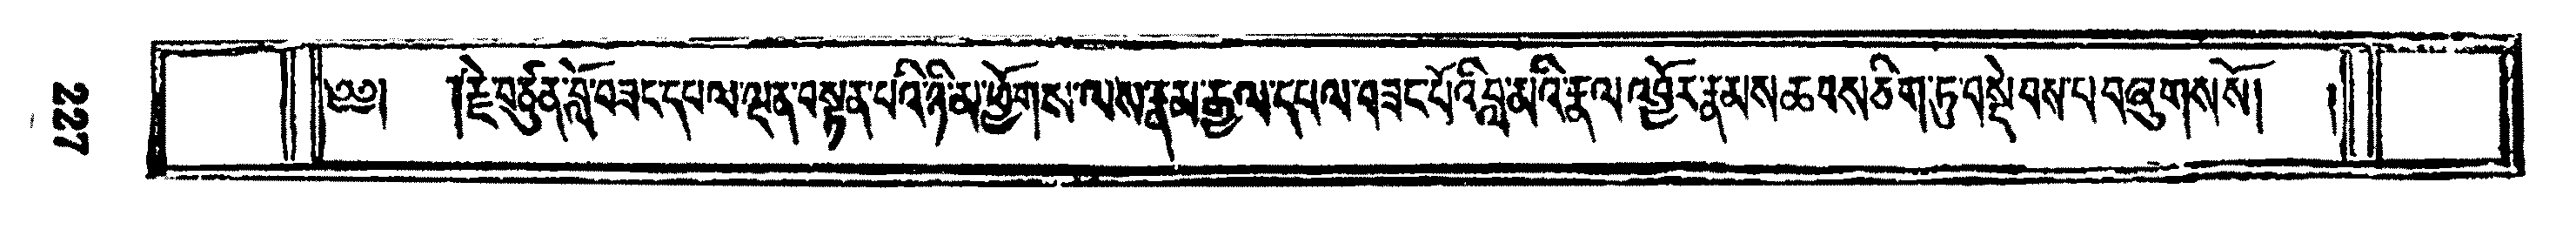༄༅། །རྗེ་བཙུན་བློ་བཟང་དཔལ་ལྡན་བསྟན་པའི་ཉི་མ་ཕྱོགས་ལས་རྣམ་རྒྱལ་དཔལ་བཟང་པོའི་བླ་མའི་རྣལ་འབྱོར་རྣམས་ཆབས་ཅིག་ཏུ་བསྡེབས་པ་བཞུགས་སོ། །